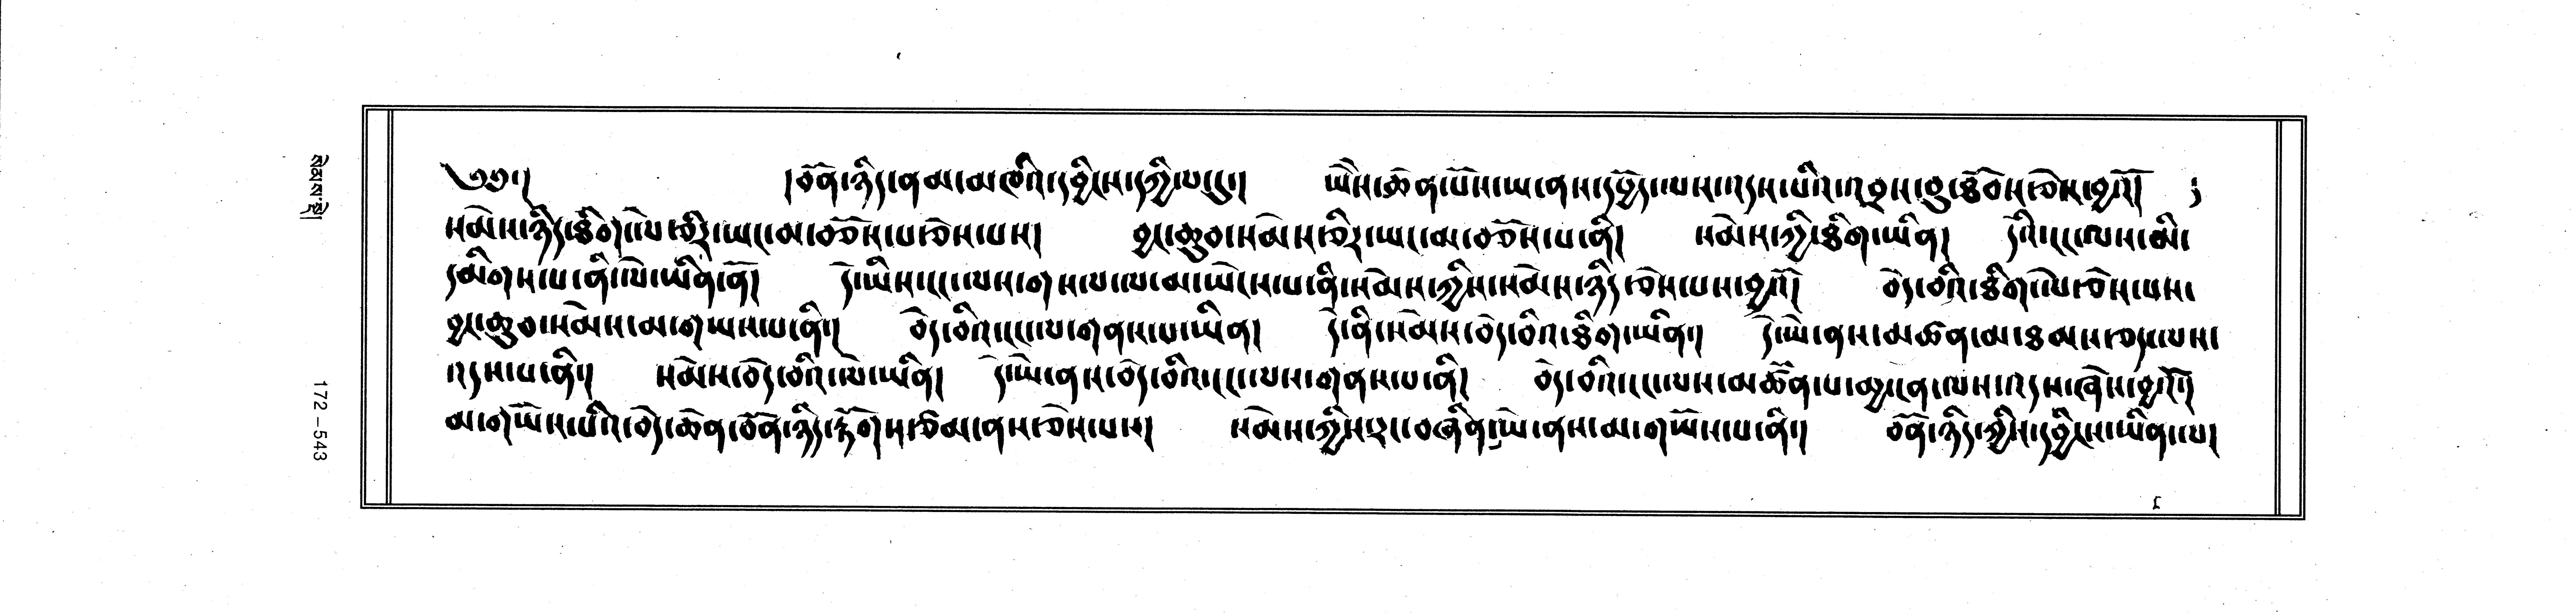བོན་ཉིད་ནམ་མཁའི་དབྱིངས་དཀྱིལ་དུ། ཡེ་ཤེས་ཆེན་པོས་ཡེ་ནས་དཔྱོད་ལས་འདས་པའི་འབྲས་བུ་ཐོབ་ཅེས་བྱའོ། 
སེམས་ཉིད་ཐིག་ལེ་ཅིར་ཡང་མ་བཅོས་པ་ཅེས་པས། བྱང་ཆུབ་སེམས་ཅིར་ཡང་མ་བཅོས་པ་ནི། སེམས་ཀྱི་ཐིག་ཡིན། དེའི་ངང་ལས་མི་
དམིགས་པ་ནི་ལེ་ཡིན་ནོ། དེ་ཡིས་ངང་ལས་གལས་ལ་མ་གཡེངས་པ་ནི་སེམས་ཀྱིས་སེམས་ཉིད་ཅེས་པས་བྱའོ། བདེ་བའི་ཐིག་ལེ་ཅེས་པས་
བྱང་ཆུབ་སེམས་མ་གཡོས་པ་ནི། བདེ་བའི་ངང་ལ་གནས་པ་ཡིན། དེ་ནི་སེམས་བདེ་བའི་ཐིག་ཡིན། དེ་ཡེ་ནས་མཚན་མ་ཐམས་ཅད་ལས་
འདས་པ་ནི། སེམས་བདེ་བའི་ལེ་ཡིན། དེ་ཡེ་ནས་བདེ་བའི་ངང་ལས་གནས་པ་ནི། བདེ་བའི་ངང་ལས་མཚོན་པ་མྱ་ངན་ལས་འདས་ཞེས་བྱའོ། 
མ་གཡོས་པའི་བདེ་ཆེན་བོན་ཉིད་རྟོགས་ཙམ་ནས་ཅེས་པས། སེམས་ཀྱིས་རང་བཞིན་ཡེ་ནས་མ་གཡོས་པ་ནི། བོན་ཉིད་ཀྱིས་དབྱིངས་ཡིན་ལ།